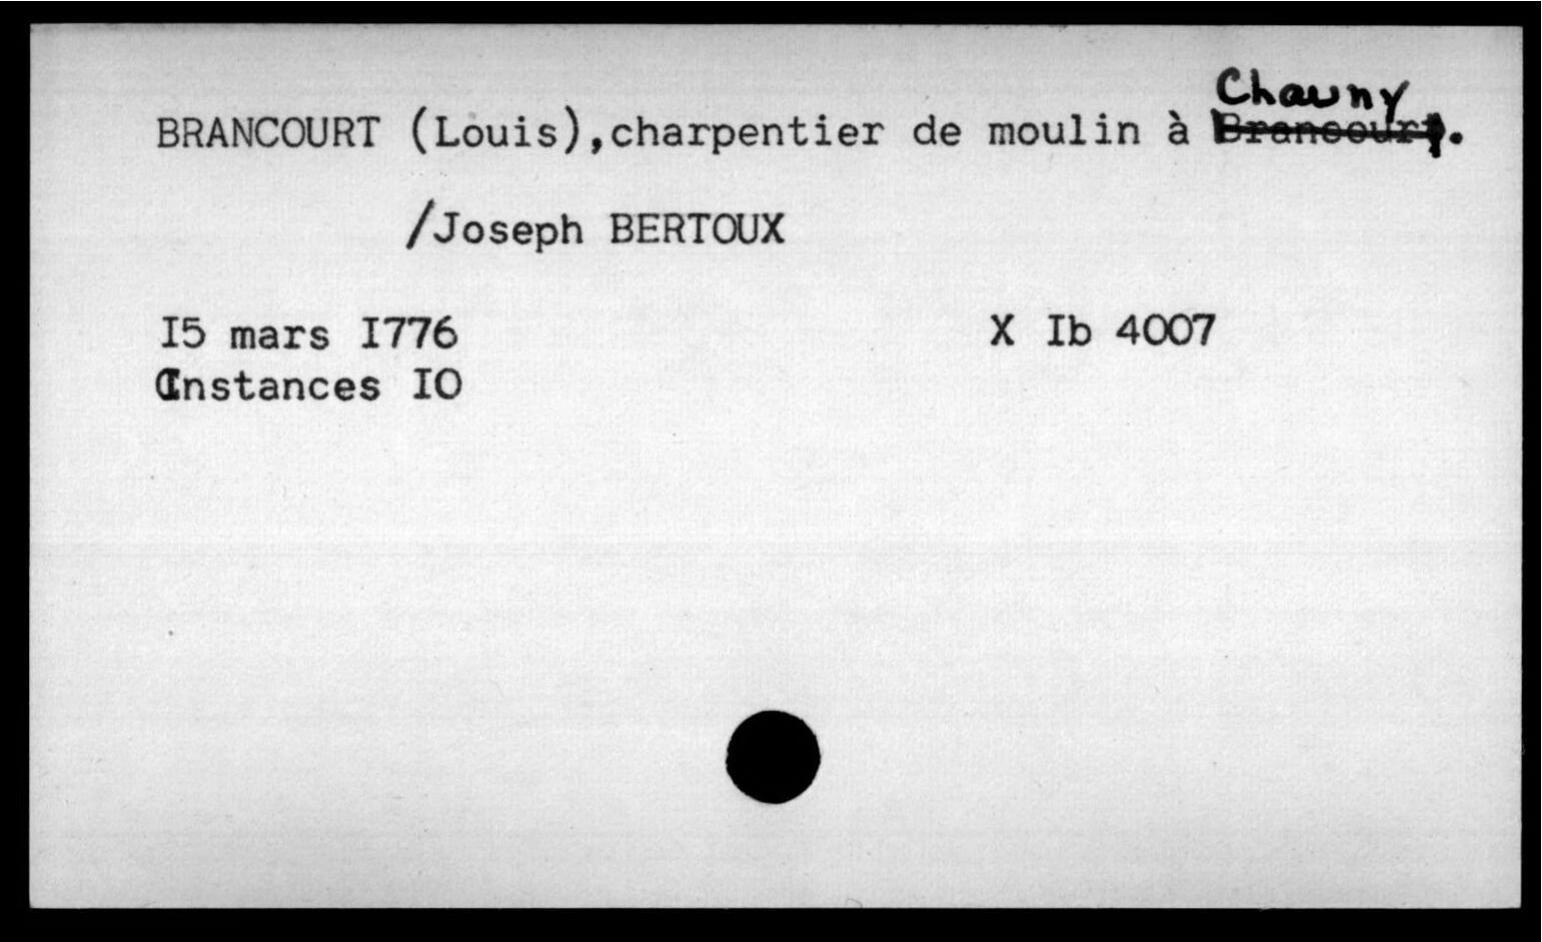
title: BRANCOURT (Louis), charpentier de moulin à Chauny
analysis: Contre Joseph BERTOUX
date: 15 mars 1776
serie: X1b
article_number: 4007
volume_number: Instances, 10
